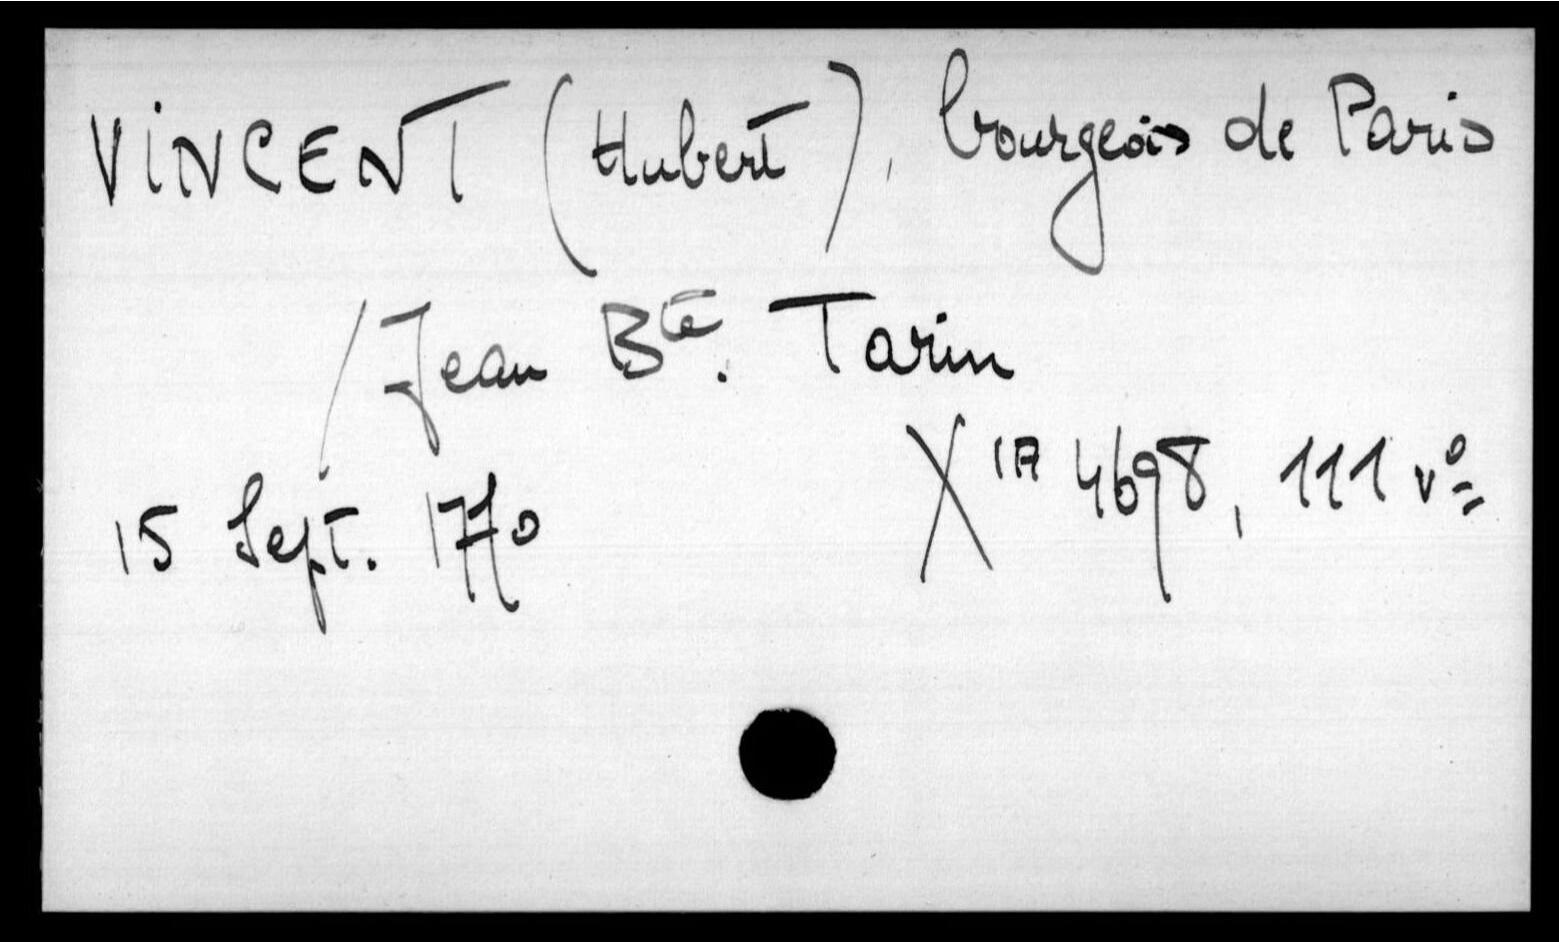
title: VINCENT (Hubert), bourgeois de Paris
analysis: Contre Jean Baptiste Tarin
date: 15 septembre 1770
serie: X1A
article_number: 4698
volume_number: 111v
